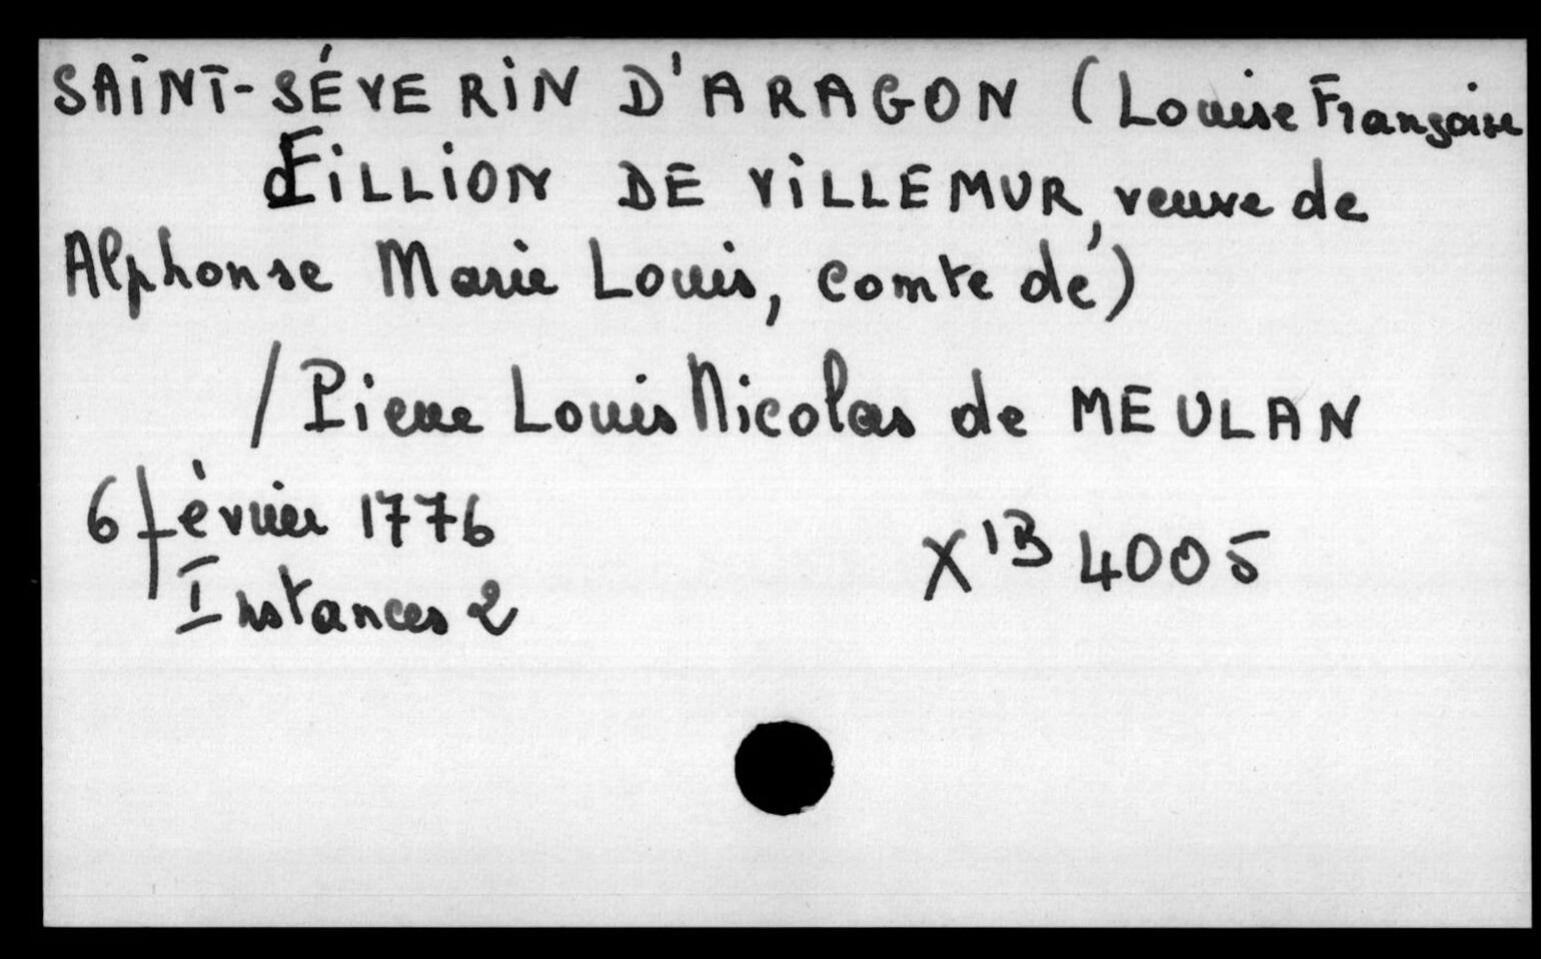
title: SAINT-SÉVERIN D'ARAGON (Louise Françoise FILLION DE VILLEMUR, veuve de Alphonse Marie Louis, comte de)
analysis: Contre Pierre Louis Nicolas de MEULAN
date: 6 février 1776
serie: X1B
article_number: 4005
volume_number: Instances, 2
